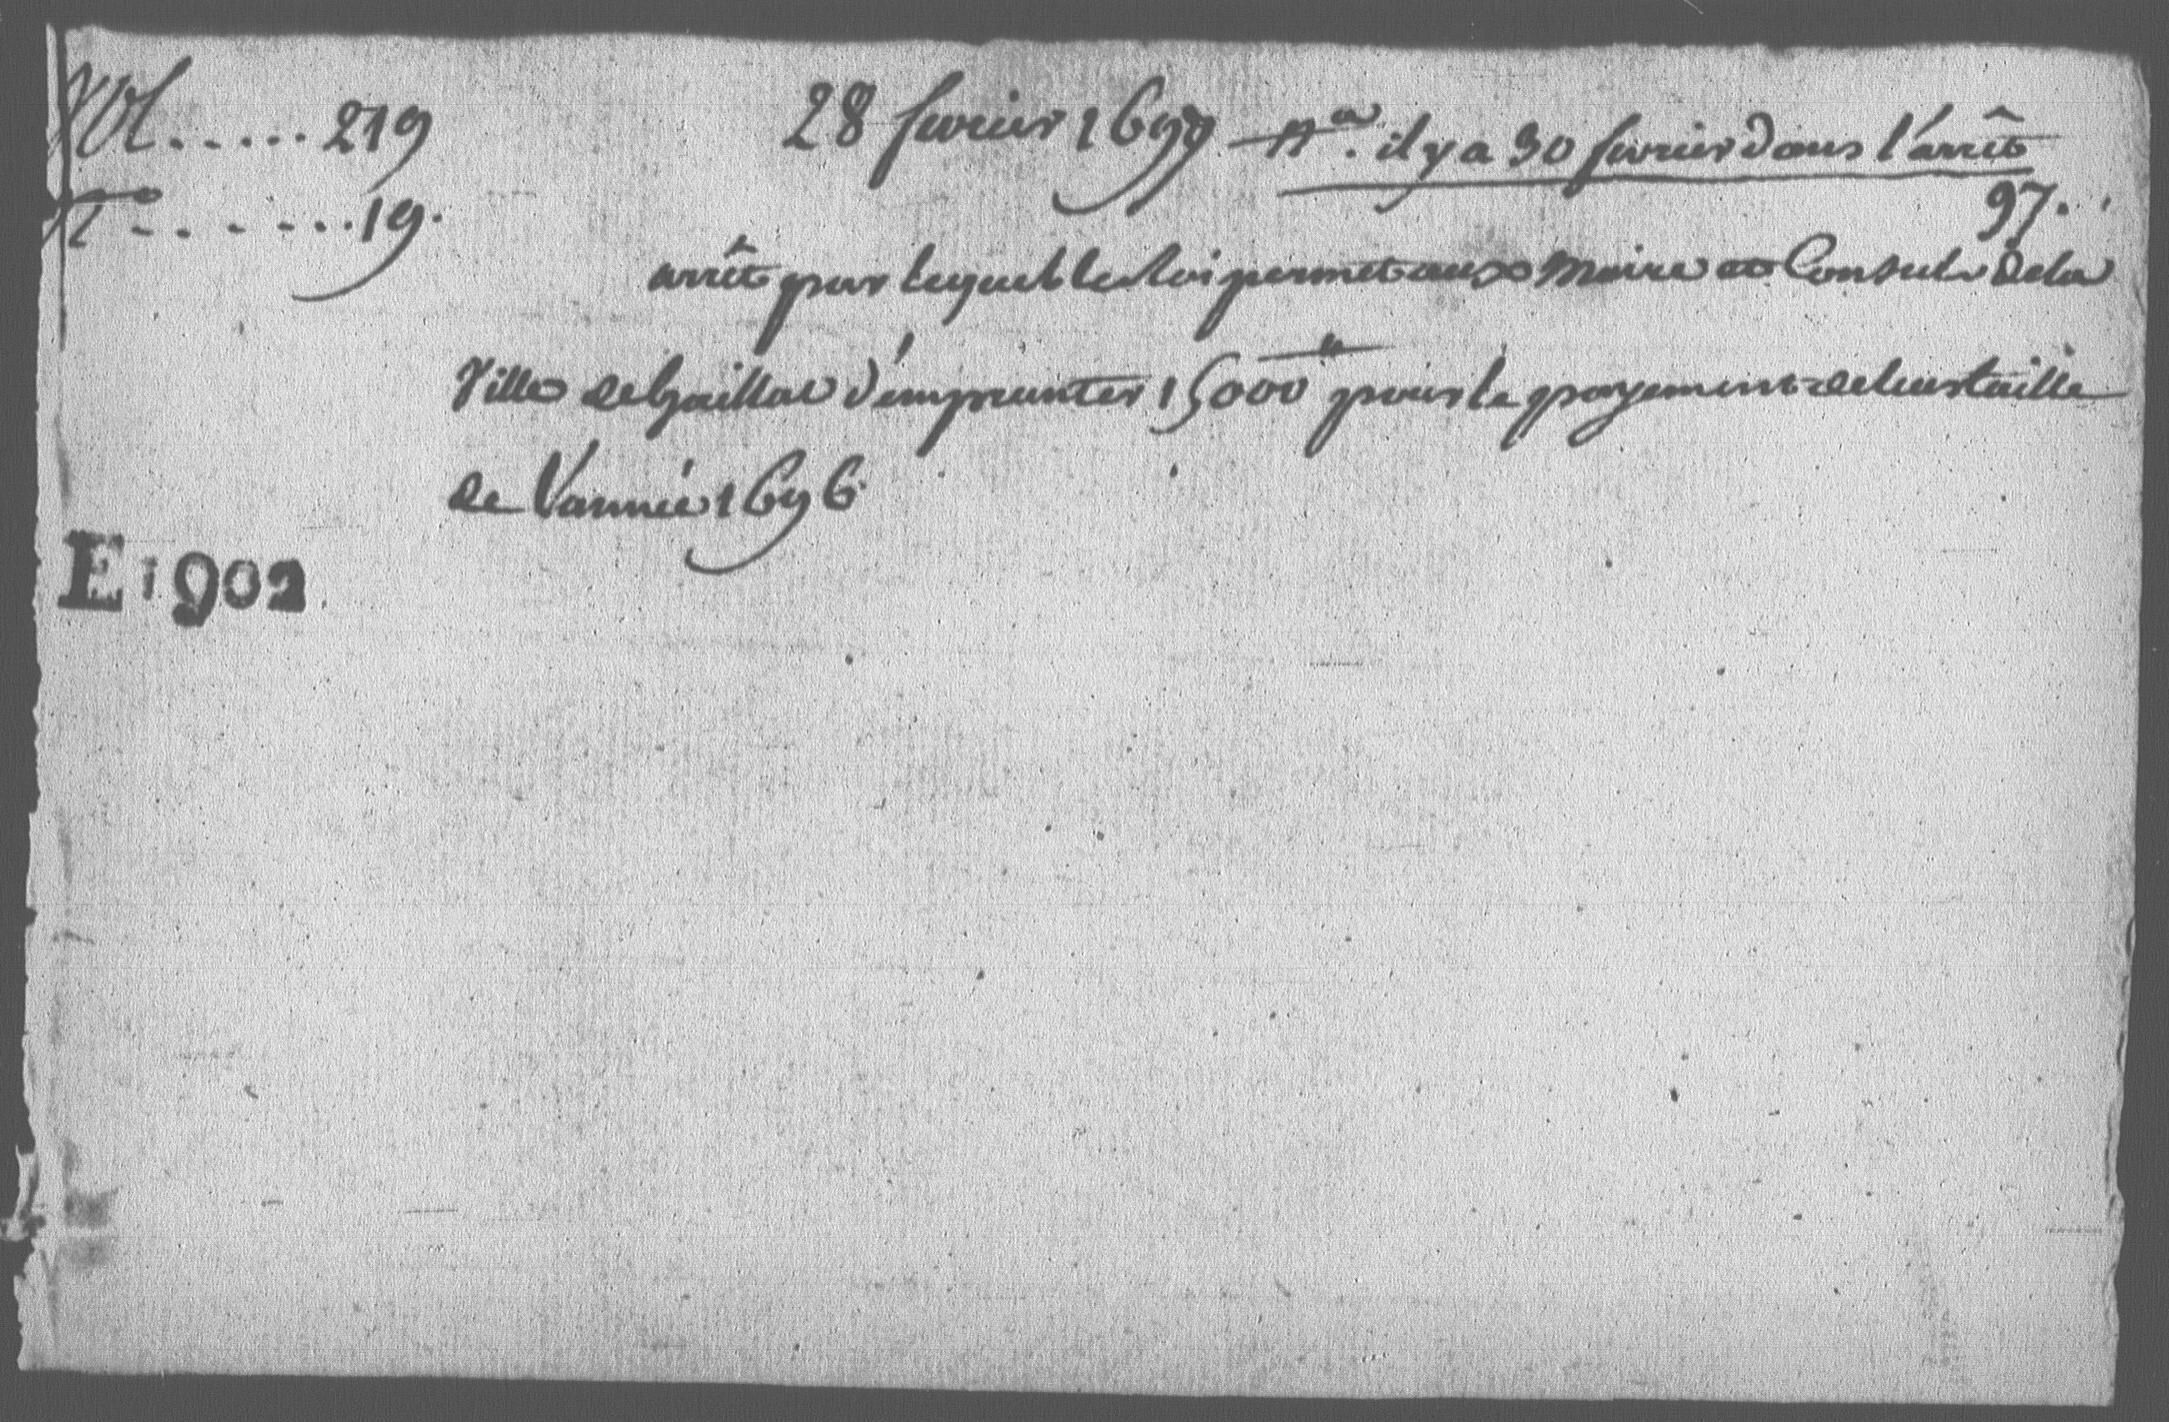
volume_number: n°19
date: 28 février 1697
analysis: n.a il y a 30 fevrier dans l'arrêt 97.
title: arrêt par lequel le Roi permet aux maire et Consuls de la Ville de Gaillac d'emprunter 15000 # pour le payement de leur taille de l'année 1696
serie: E
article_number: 1902
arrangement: vol. 219
